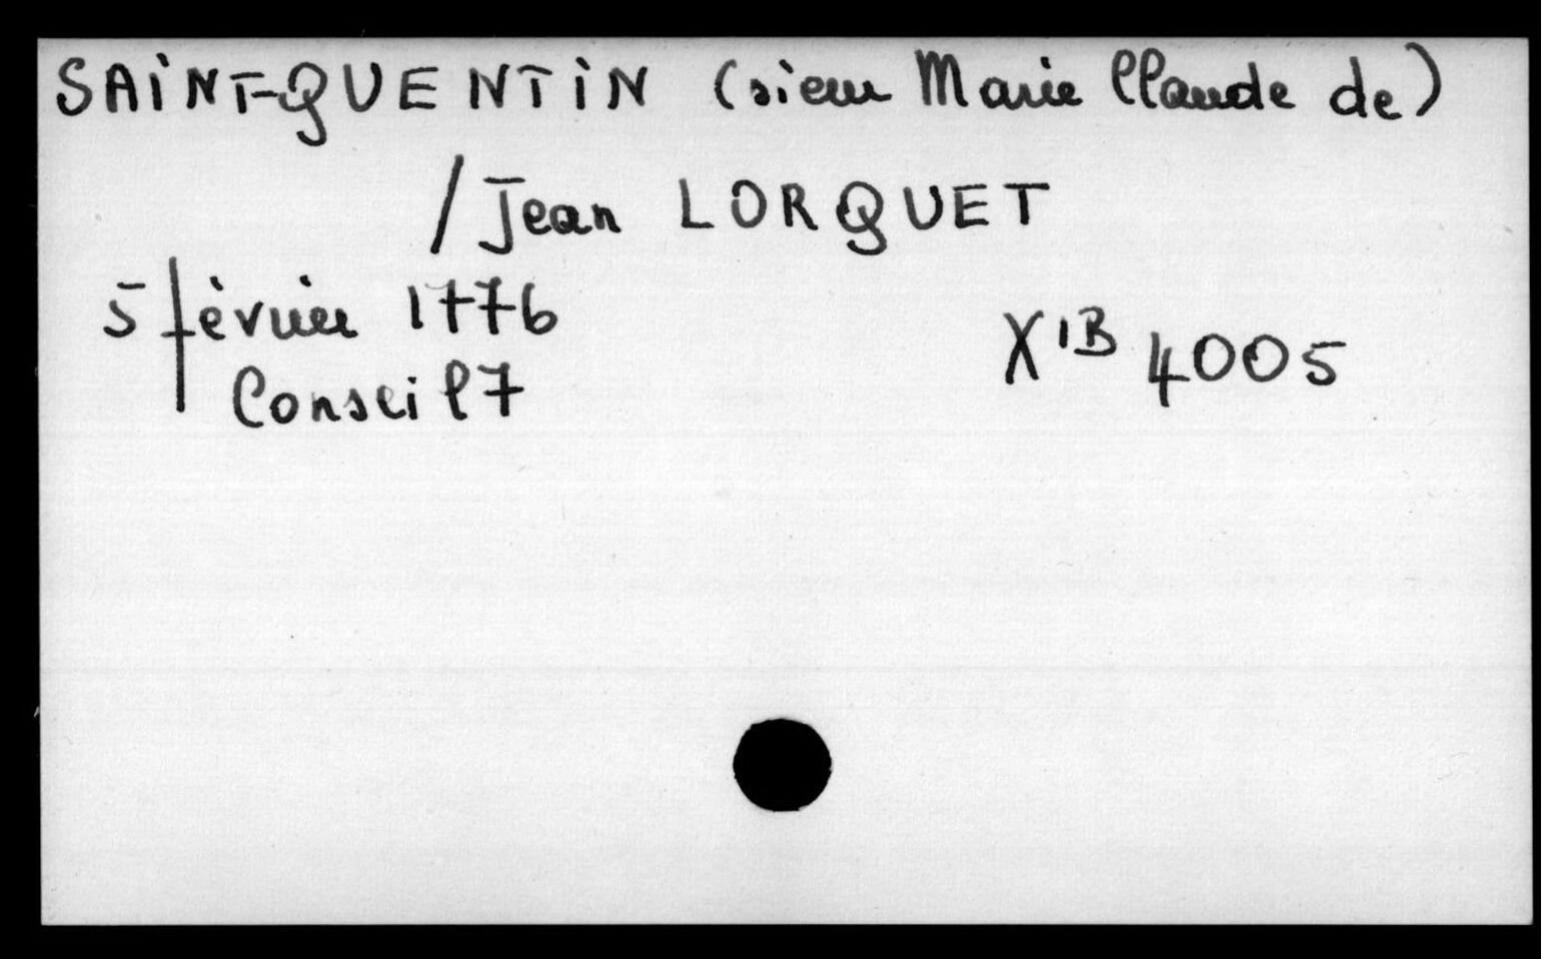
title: SAINT-QUENTIN (sieur Marie Claude de)
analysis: Contre Jean LORGUET
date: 5 février 1776
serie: X1B
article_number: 4005
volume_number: Conseil 7
